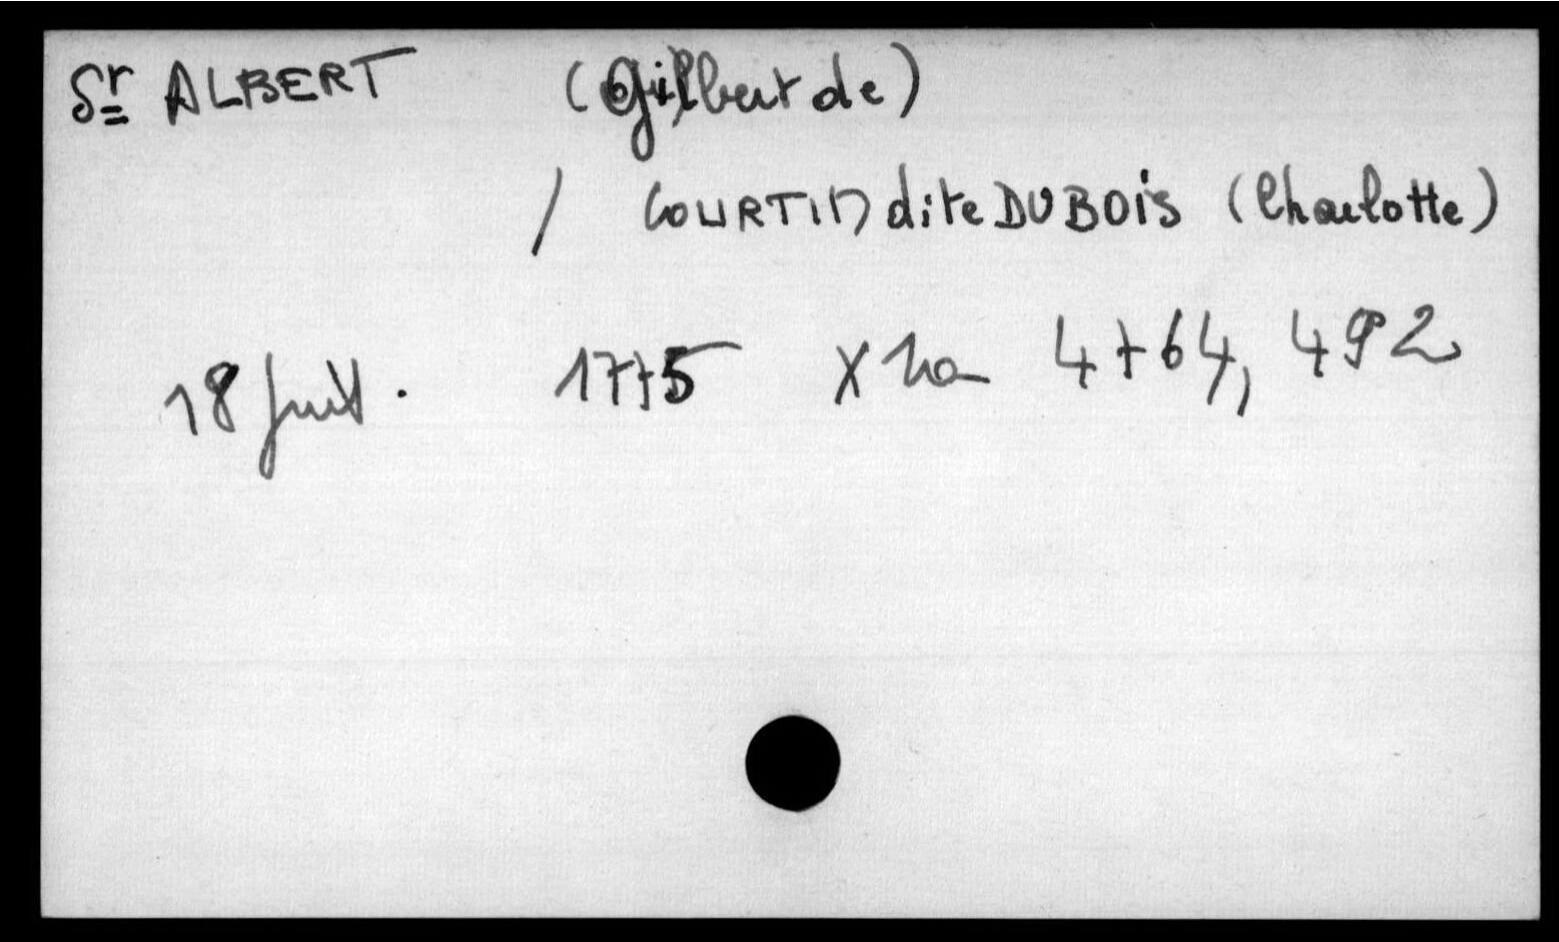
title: SAINT ALBERT (Gilbert de)
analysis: Contre Courtin dite DUBOIS (Charlotte)
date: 18 juillet 1775
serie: X1a
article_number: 4764
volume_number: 492
